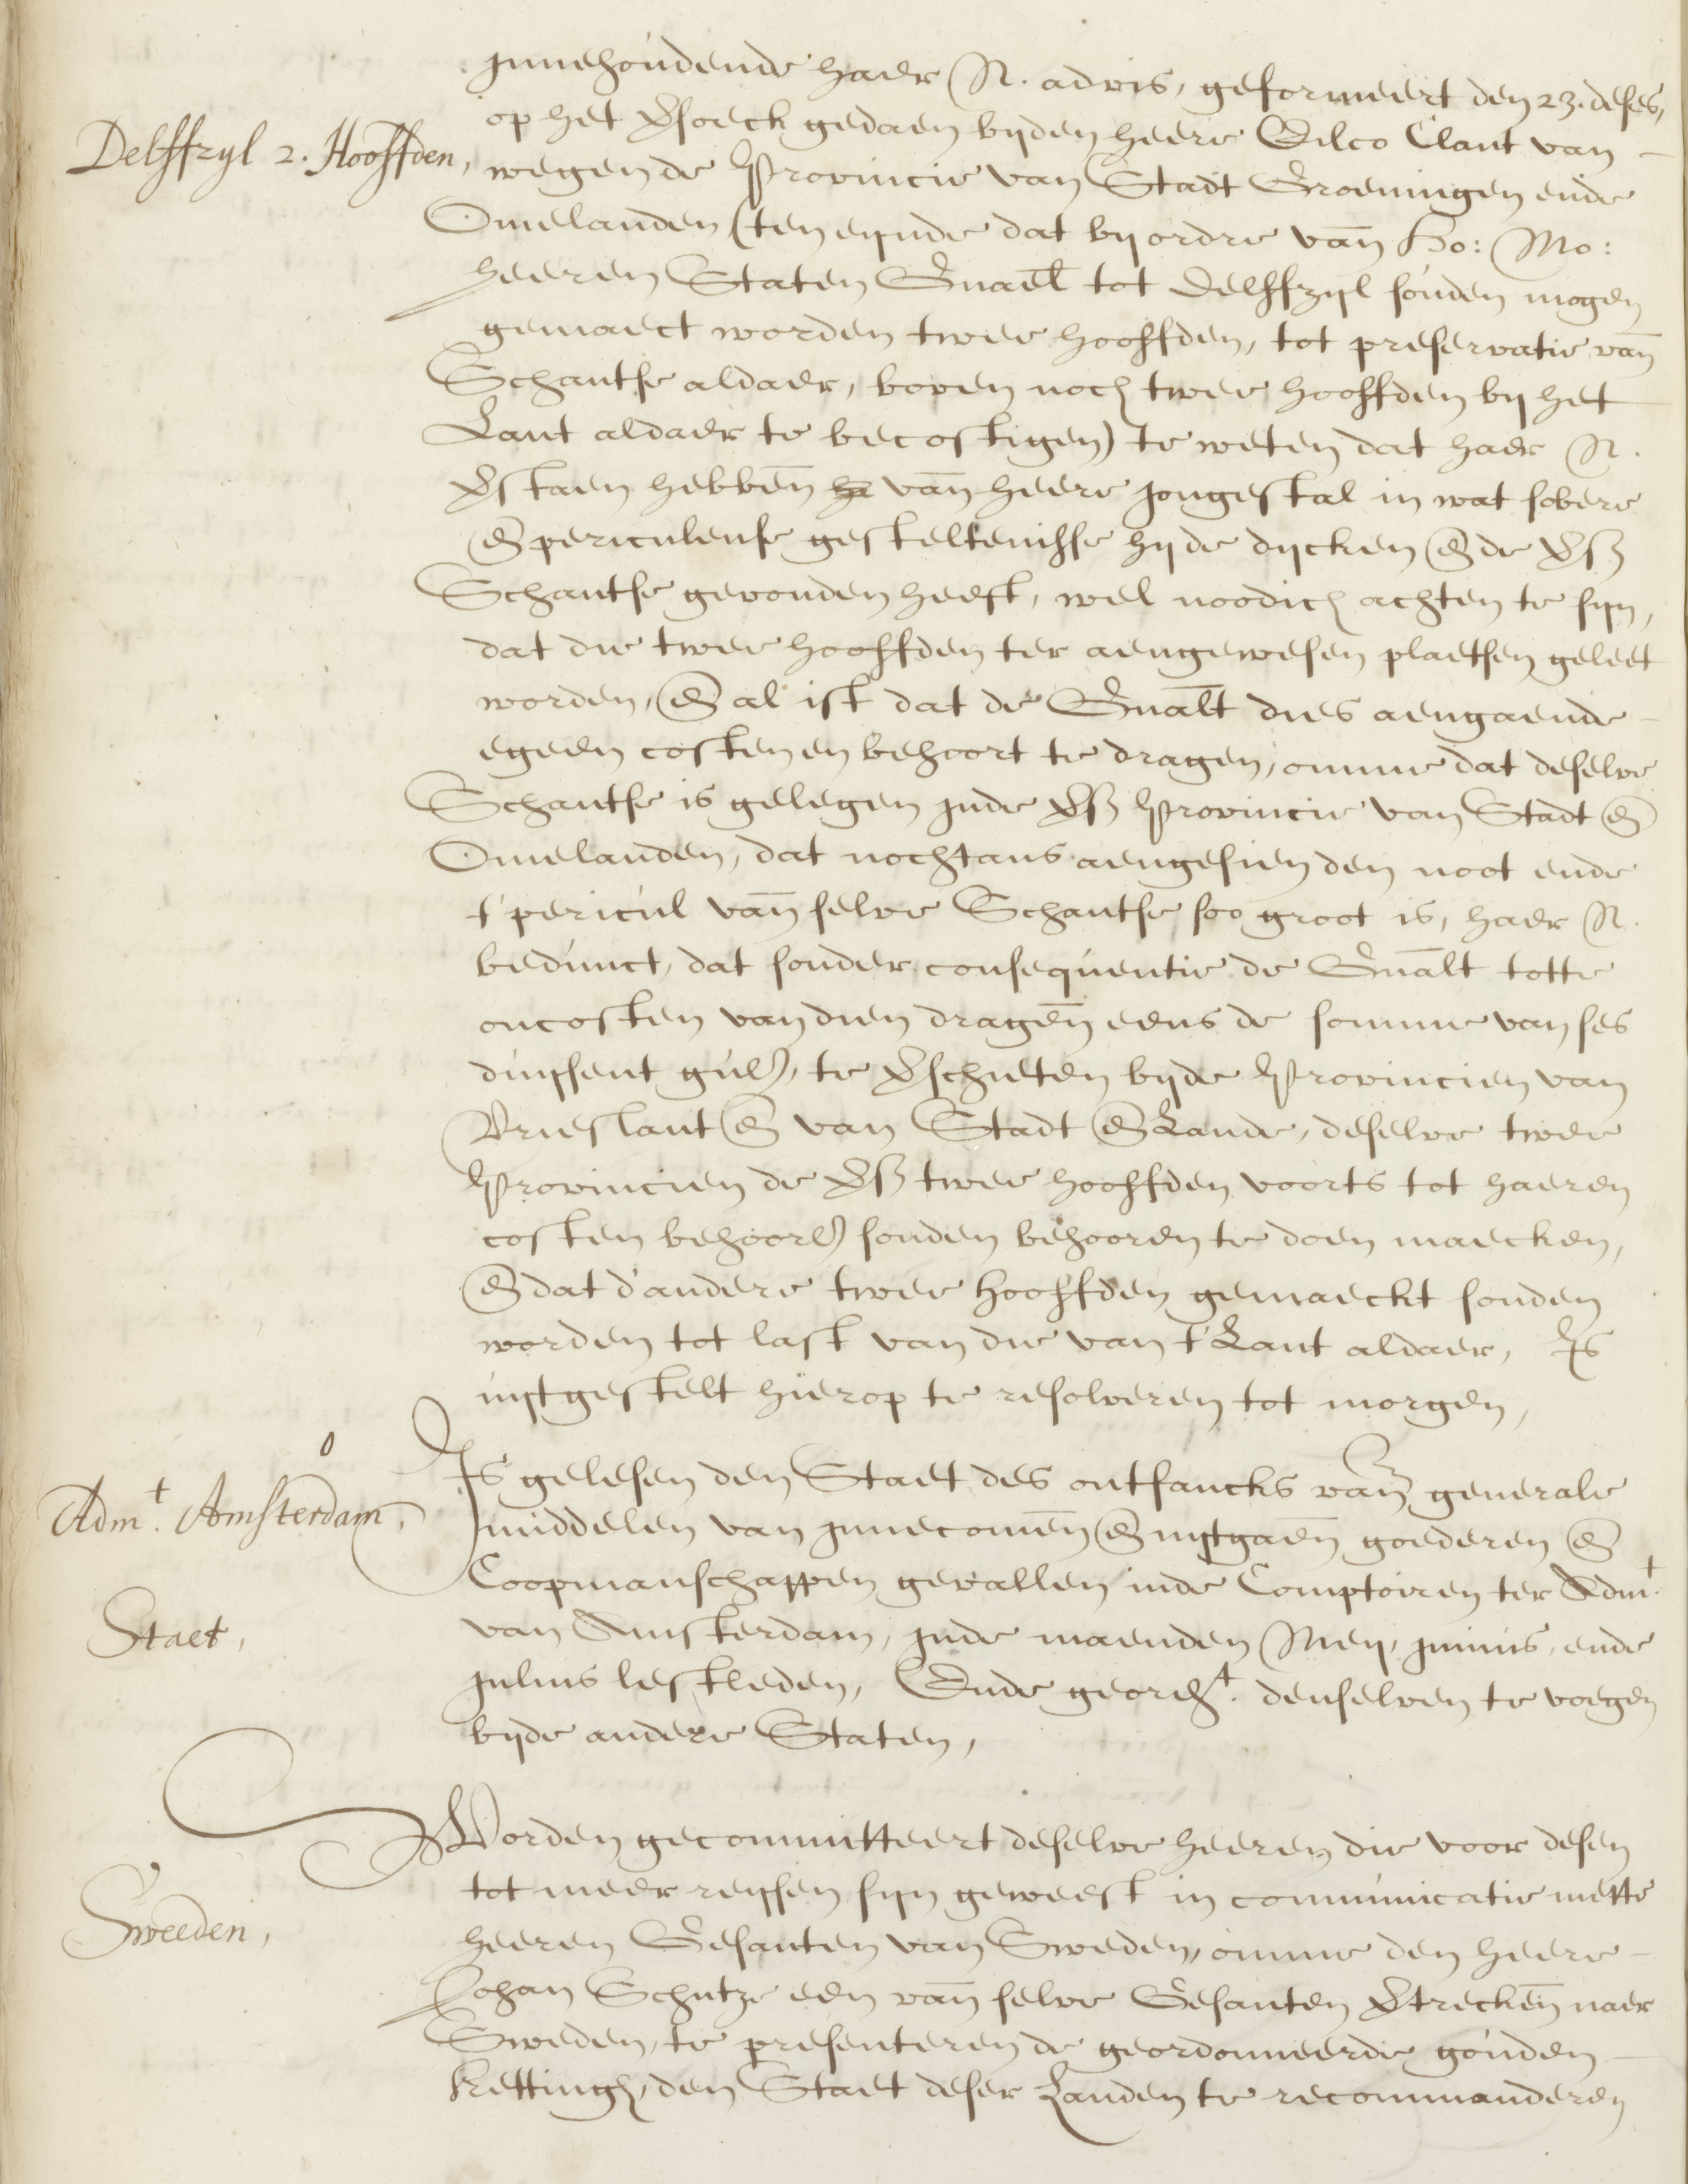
Delffzyl 2. Hooffden
Innehoudende haer E. advis, geformeert den 23. deses,
op het vsoeck gedaen byden heere Eilco Clant van
wegen de Provincie van Stadt Groeningen ende
Omelanden (ten eynde dat by ordre van Ho:Mo:
heeren Staten Gnael tot Delffzyl souden mogen
gemaect worden twee hooffden, tot preservatie van
Schantse aldaer, boven noch twee hooffden by het
Lant aldaer te becostigen) te weten dat haer E.
vstaen hebben he van heere Jongestal in wat sobere
& periculeuse gesteltenisse hy de dycken & de vs
Schantse gevonden heeft, wel noodich achten te syn,
dat die twee hooffden ter aengewesen plaetsen geleet
worden, & al ist dat de Gnalt dies aengaende
egeen costen en behoort te dragen, omme dat deselve
Schantse is gelegen Inde vs provincie van Stadt &
Omelanden, dat nochtans aengesien den noot ende
t'pericul van selve Schantse soo groot is, haer E.
bedunct, dat sonder consequentie de Gnalt totte
oncosten van dien dragen eens de somme van ses
duysent gul, te vschulten byde provincien van
Vrieslant & van Stadt & Lande, deselve twee
provincien de vs twee hooffden voorts tot haeren
costen behoorl souden behooren te doen maecken,
& dat d'andere twee hooffden gemaeckt souden
worden tot last van die van t'Lant aldaer. Is
uytgestelt hierop te resolveren tot morgen.
o
Admt. Amsterdam
Staet.
Is gelesen den Staet des ontfancks van generale
middelen van Innecomen & uytgaen goederen &
Coopmanschappen gevallen inde Comptoiren ter Admt.
van Amsterdam, Inde maenden Mey, junius, ende
julius lestleden, Ende geordt. denselven te voegen
byde andere Staten.
Sweeden.
Worden gecommitteert deselve heeren die voor desen
tot meer reysen syn geweest in communicatie mette
heeren Gesanten van Sweden, omme den heere
Johan Schutze een van selve Gesanten vtrecken naer
Sweden, te presenteren de geordonneerde gouden
kettingh, den Staet deser Landen te recommanderen
